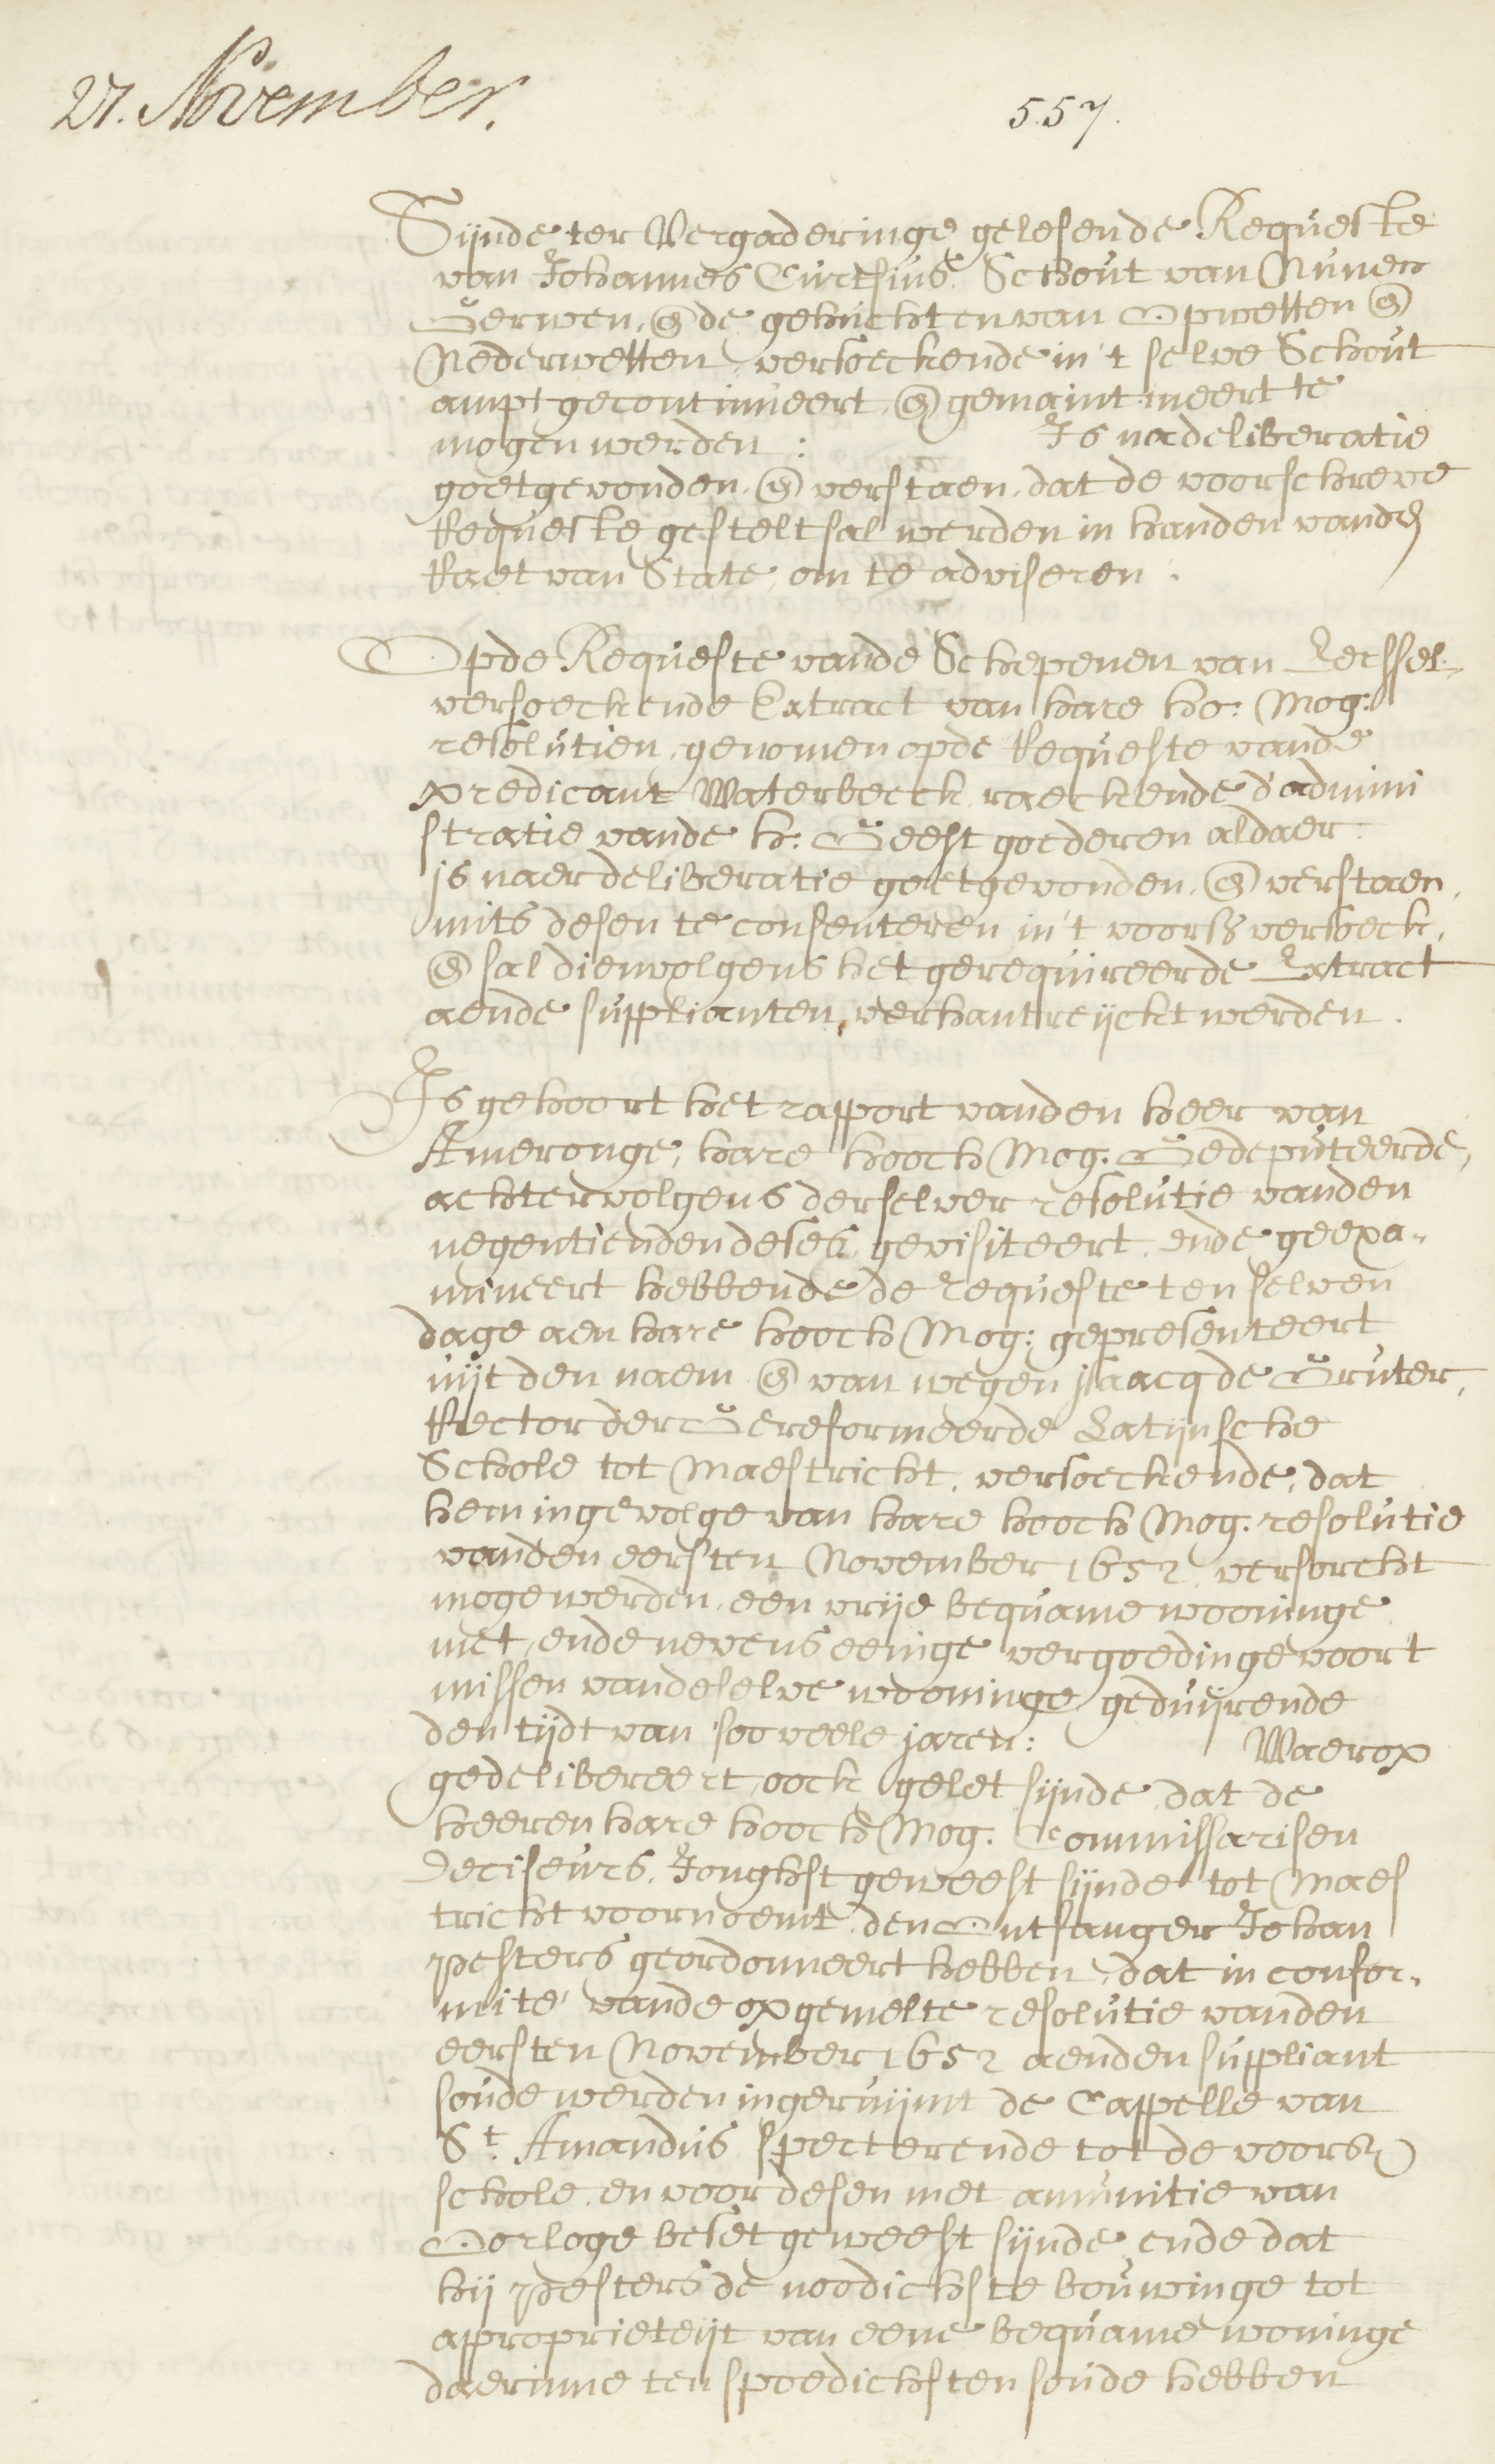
557.
27. November.
Sijnde ter Vergaderinge gelesen de Requeste
van Johannes Curtsius, Schout van Nunen
Gerwen, & de gehucht envan Opwetten &
Nederwetten, versoeckende in 't selve Schout
ampt gecontinueert, & gemaintineert te
mogen werden: Is na deliberatie
goetgevonden, & verstaen, dat de voorschreve
Requeste gestelt sal werden in handen vanden
Raet van State om te adviseren.
Opde Requeste vande Schepenen van Eersel
versoeckende Extract van hare ho:Mog:
resolutien, genomen opde Requeste vande
predicant Waterbeeck raeckende d‛admini
tratie vande H. Geest goederen aldaer:
is naer deliberatie goetgevonden & verstaen,
mits desen te consenteren in 't voors versoeck
& sal dienvolgens het gerequireerde Extract
aende supplianten verhantreijckt werden,
Is gehoort het rapport van den heer van
Ameronge, hare hooch Mog. Gedeputeerde,
achtervolgens derselver resolutie vanden
negentienden deses gevisiteert, ende geexa„
mineert hebbende de requeste ten selven
dage aen hare hooch Mog: gepresenteert,
uijt den naem & van wegen Isaacq de Gruter,
Rector der Gereformeerde Latijnsche
Schole tot maestricht, versoeckende, dat
hem ingevolge van hare hooch Mog: resolutie
vanden eersten November 1652. versorcht
moge werden, een vrije bequame wooninge
met, ende nevens eenige vergoedinge voor‛t
missen van deselve wooninge geduijrende
den tijdt van soo veele jaren: Waerop
gedelibereert, oock gelet sijnde, dat de
heeren hare hooch Mog: Commissarisen
Deciseurs Jonghst geweest sijnde tot Maes
tricht voornoemt den Ontfanger Johan
pesters geordonneert hebben, dat in confor,,
mité vande opgemelte resolutie vanden
eersten November 1652 aenden suppliant
soude werden ingeruijmt de Capelle van
St. Amandus specterende tot de voors
schole, en voor desen met amunitie van
Oorloge beset geweest sijnde, ende dat
hij pesters de noodichste bouwinge tot
approprieteijt van eene bequame woninge
daerinne ten spoedichsten soude hebben
